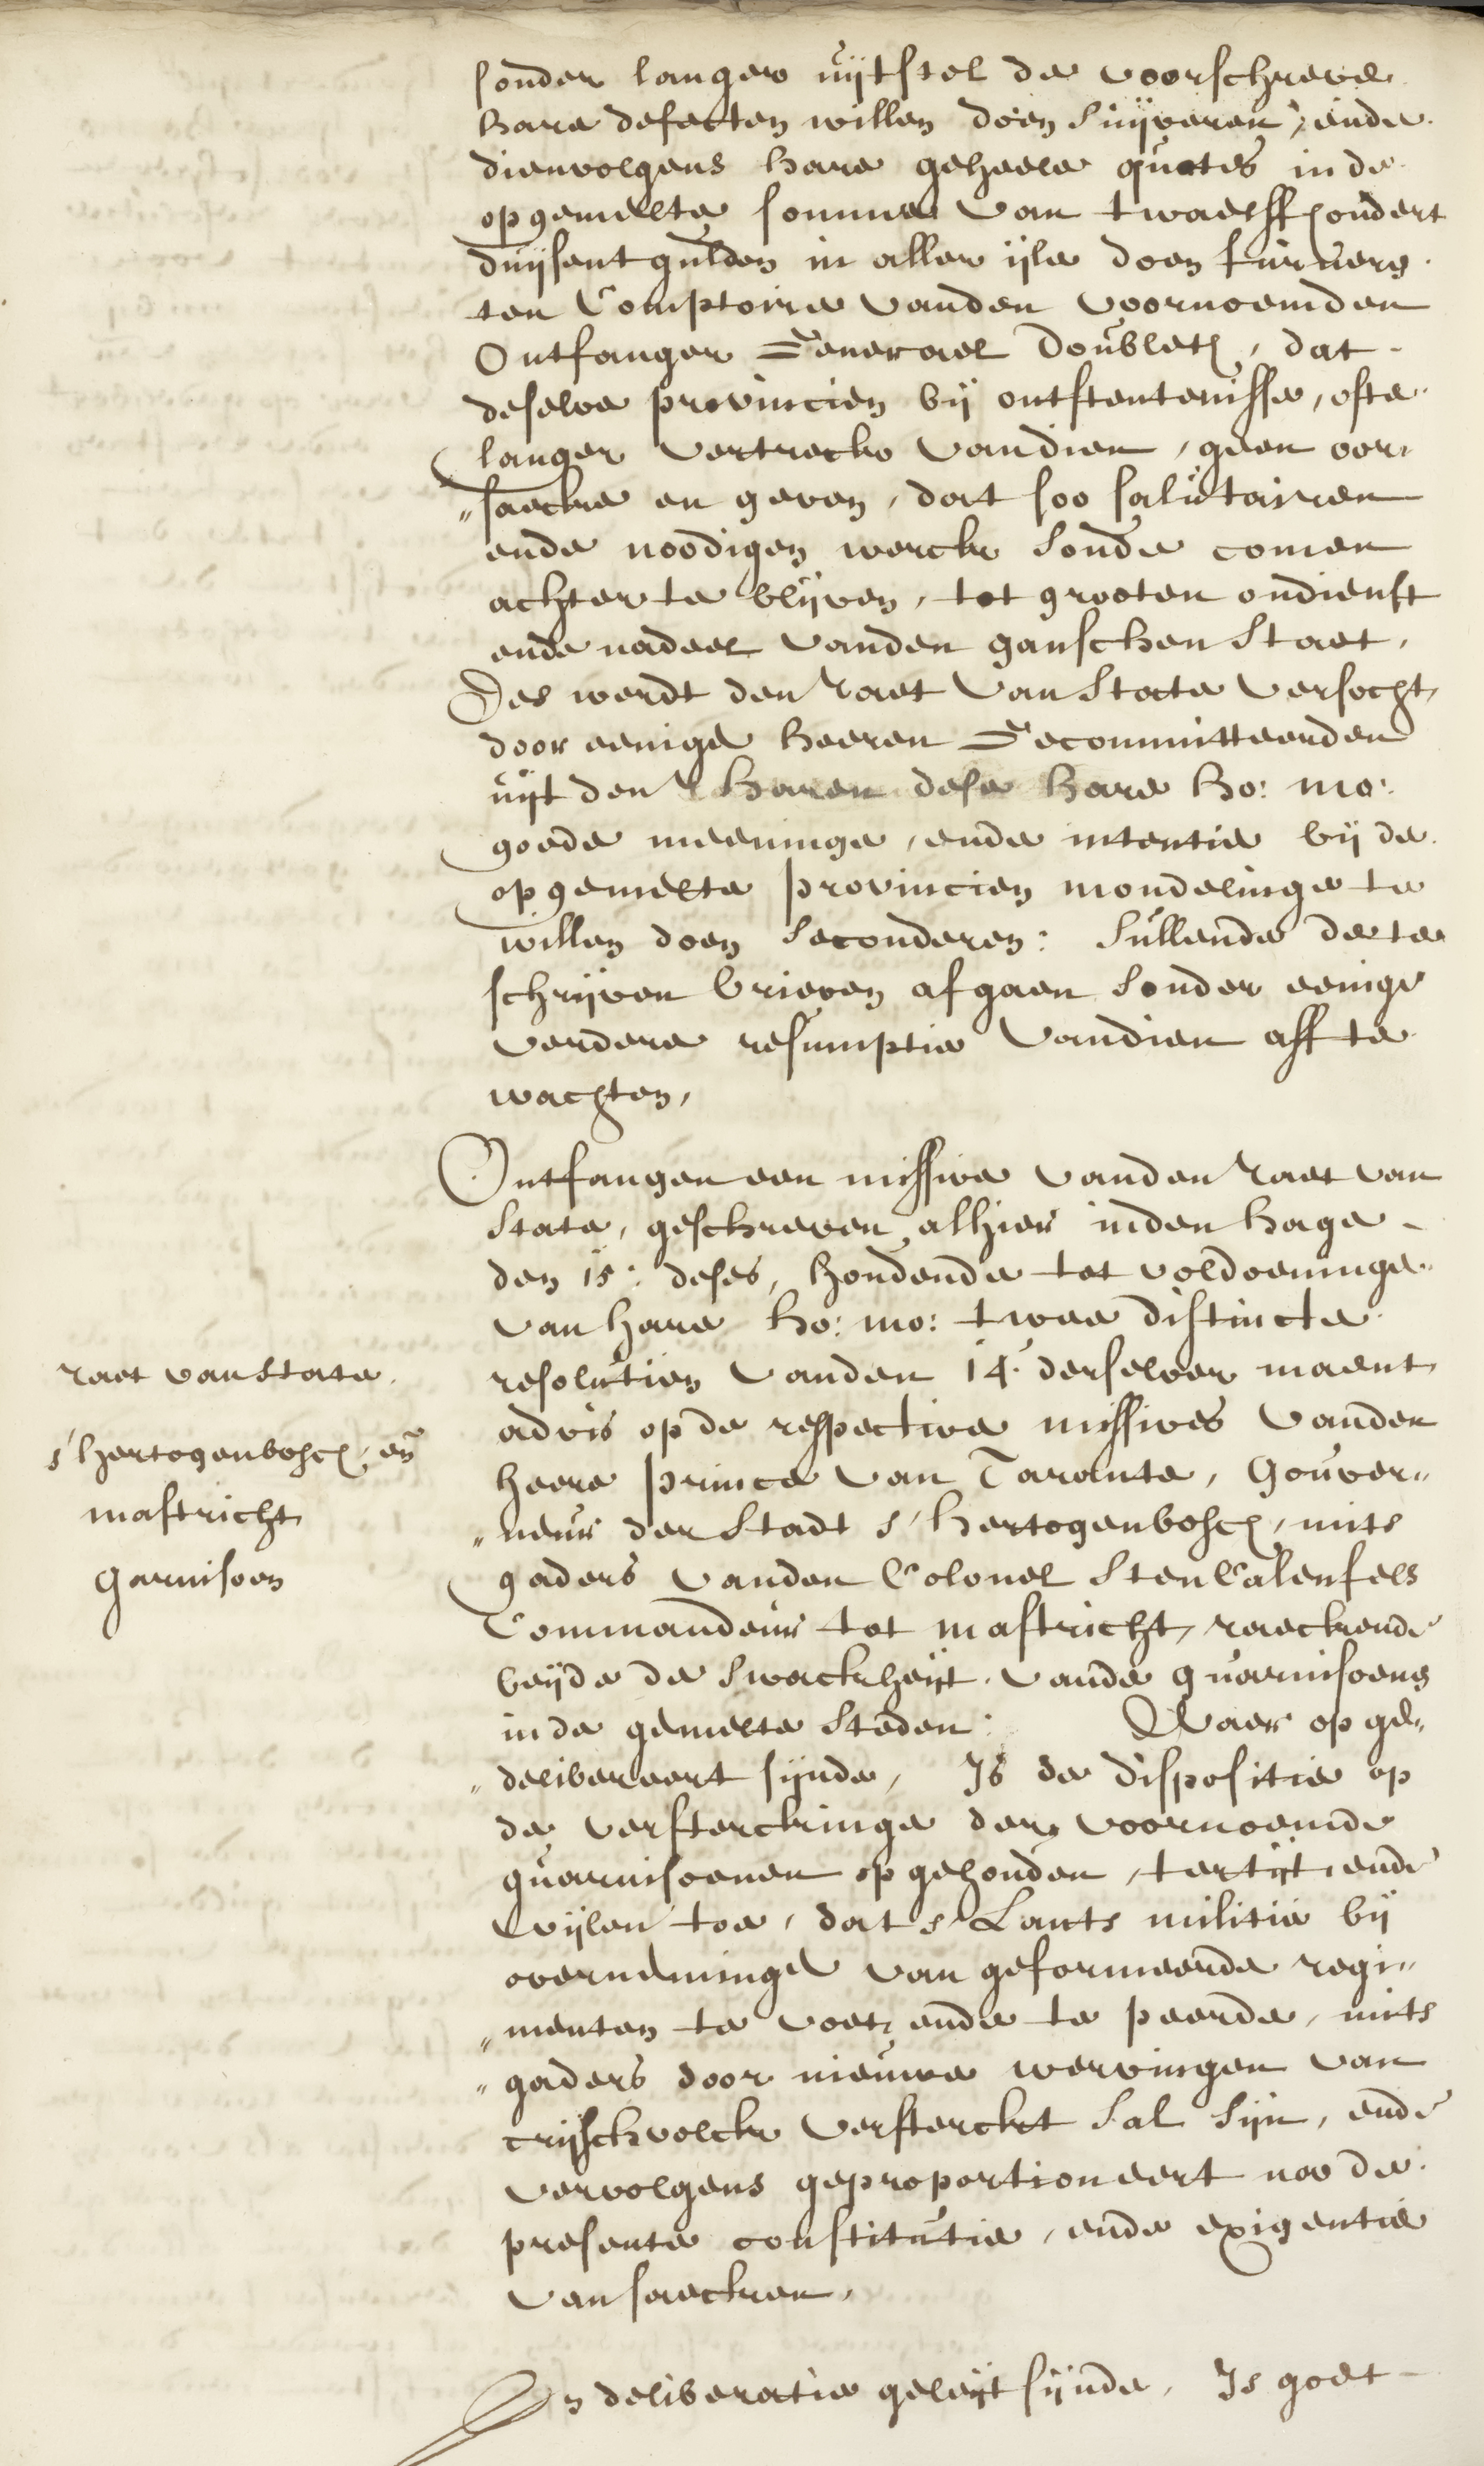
sonder langer uijtstel de voorschreve
hare defecten willen doen suijveren, ende
dienvolgens hare geheele quotes in de
opgemelte somme van twaelffhondert
duijsent gulden in aller ijle doen furneren
ten Comptoire vanden voornoemden
Ontfanger Generael Doubleth, dat
deselve provincien bij ontstentenisse, ofte
langer vertreck vandien, geen oor„
,,saecke en geven, dat soo salutairen
ende noodigen werck soude comen
achter te blijven, tot grooten ondienst
ende nadeel vanden ganschen Staet.
Des werdt den Raet van State versocht
door eenige heeren Gecommitteerden
uijt den r haren, dese hare Ho:Mo:
goede meeninge, ende intentie bij de
op gemelte provincien mondelinge te
willen doen seconderen: Sullende de te
schrijven brieven afgaen sonder eenige
verdere resumptie vandien aff te
wachten.
raet van State
s'Hertogenbosch, en
mastricht
Garnisoen
Ontfangen een missive vanden raet van
State, geschreven alhier inden Hage
den 15: deses, houdende tot voldoeninge
van hare Ho:Mo: twee distincte
resolutien vanden 14e. derselver maent
advis op de respective missives vanden
heere Prince van Tarente, Gouver„
,,neur der Stadt s' Hertogenbosch, mits
gaders vanden Colonel StenCalenfels
Commandeur tot mastricht, raeckende
beijde de Swackheijt, vande guarnisoenen
in de gemelte Steden: Waer op ge„
delibereert sijnde, Is de dispositie op
de versterckinge der voornoemde
guarnisoenen op gehouden, tertijt ende
wijlen toe, dat s' Lants militie bij
overneminge van geformeerde regi„
,,menten te voet, ende te peerde, mits
gaders door nieuwe wervingen van
crijschvolck versterckt sal sijn, ende
vervolgens geproportioneert na de
presente constitutie, ende exigentie
van saecken.
In deliberatie geleijt sijnde, Is goet
